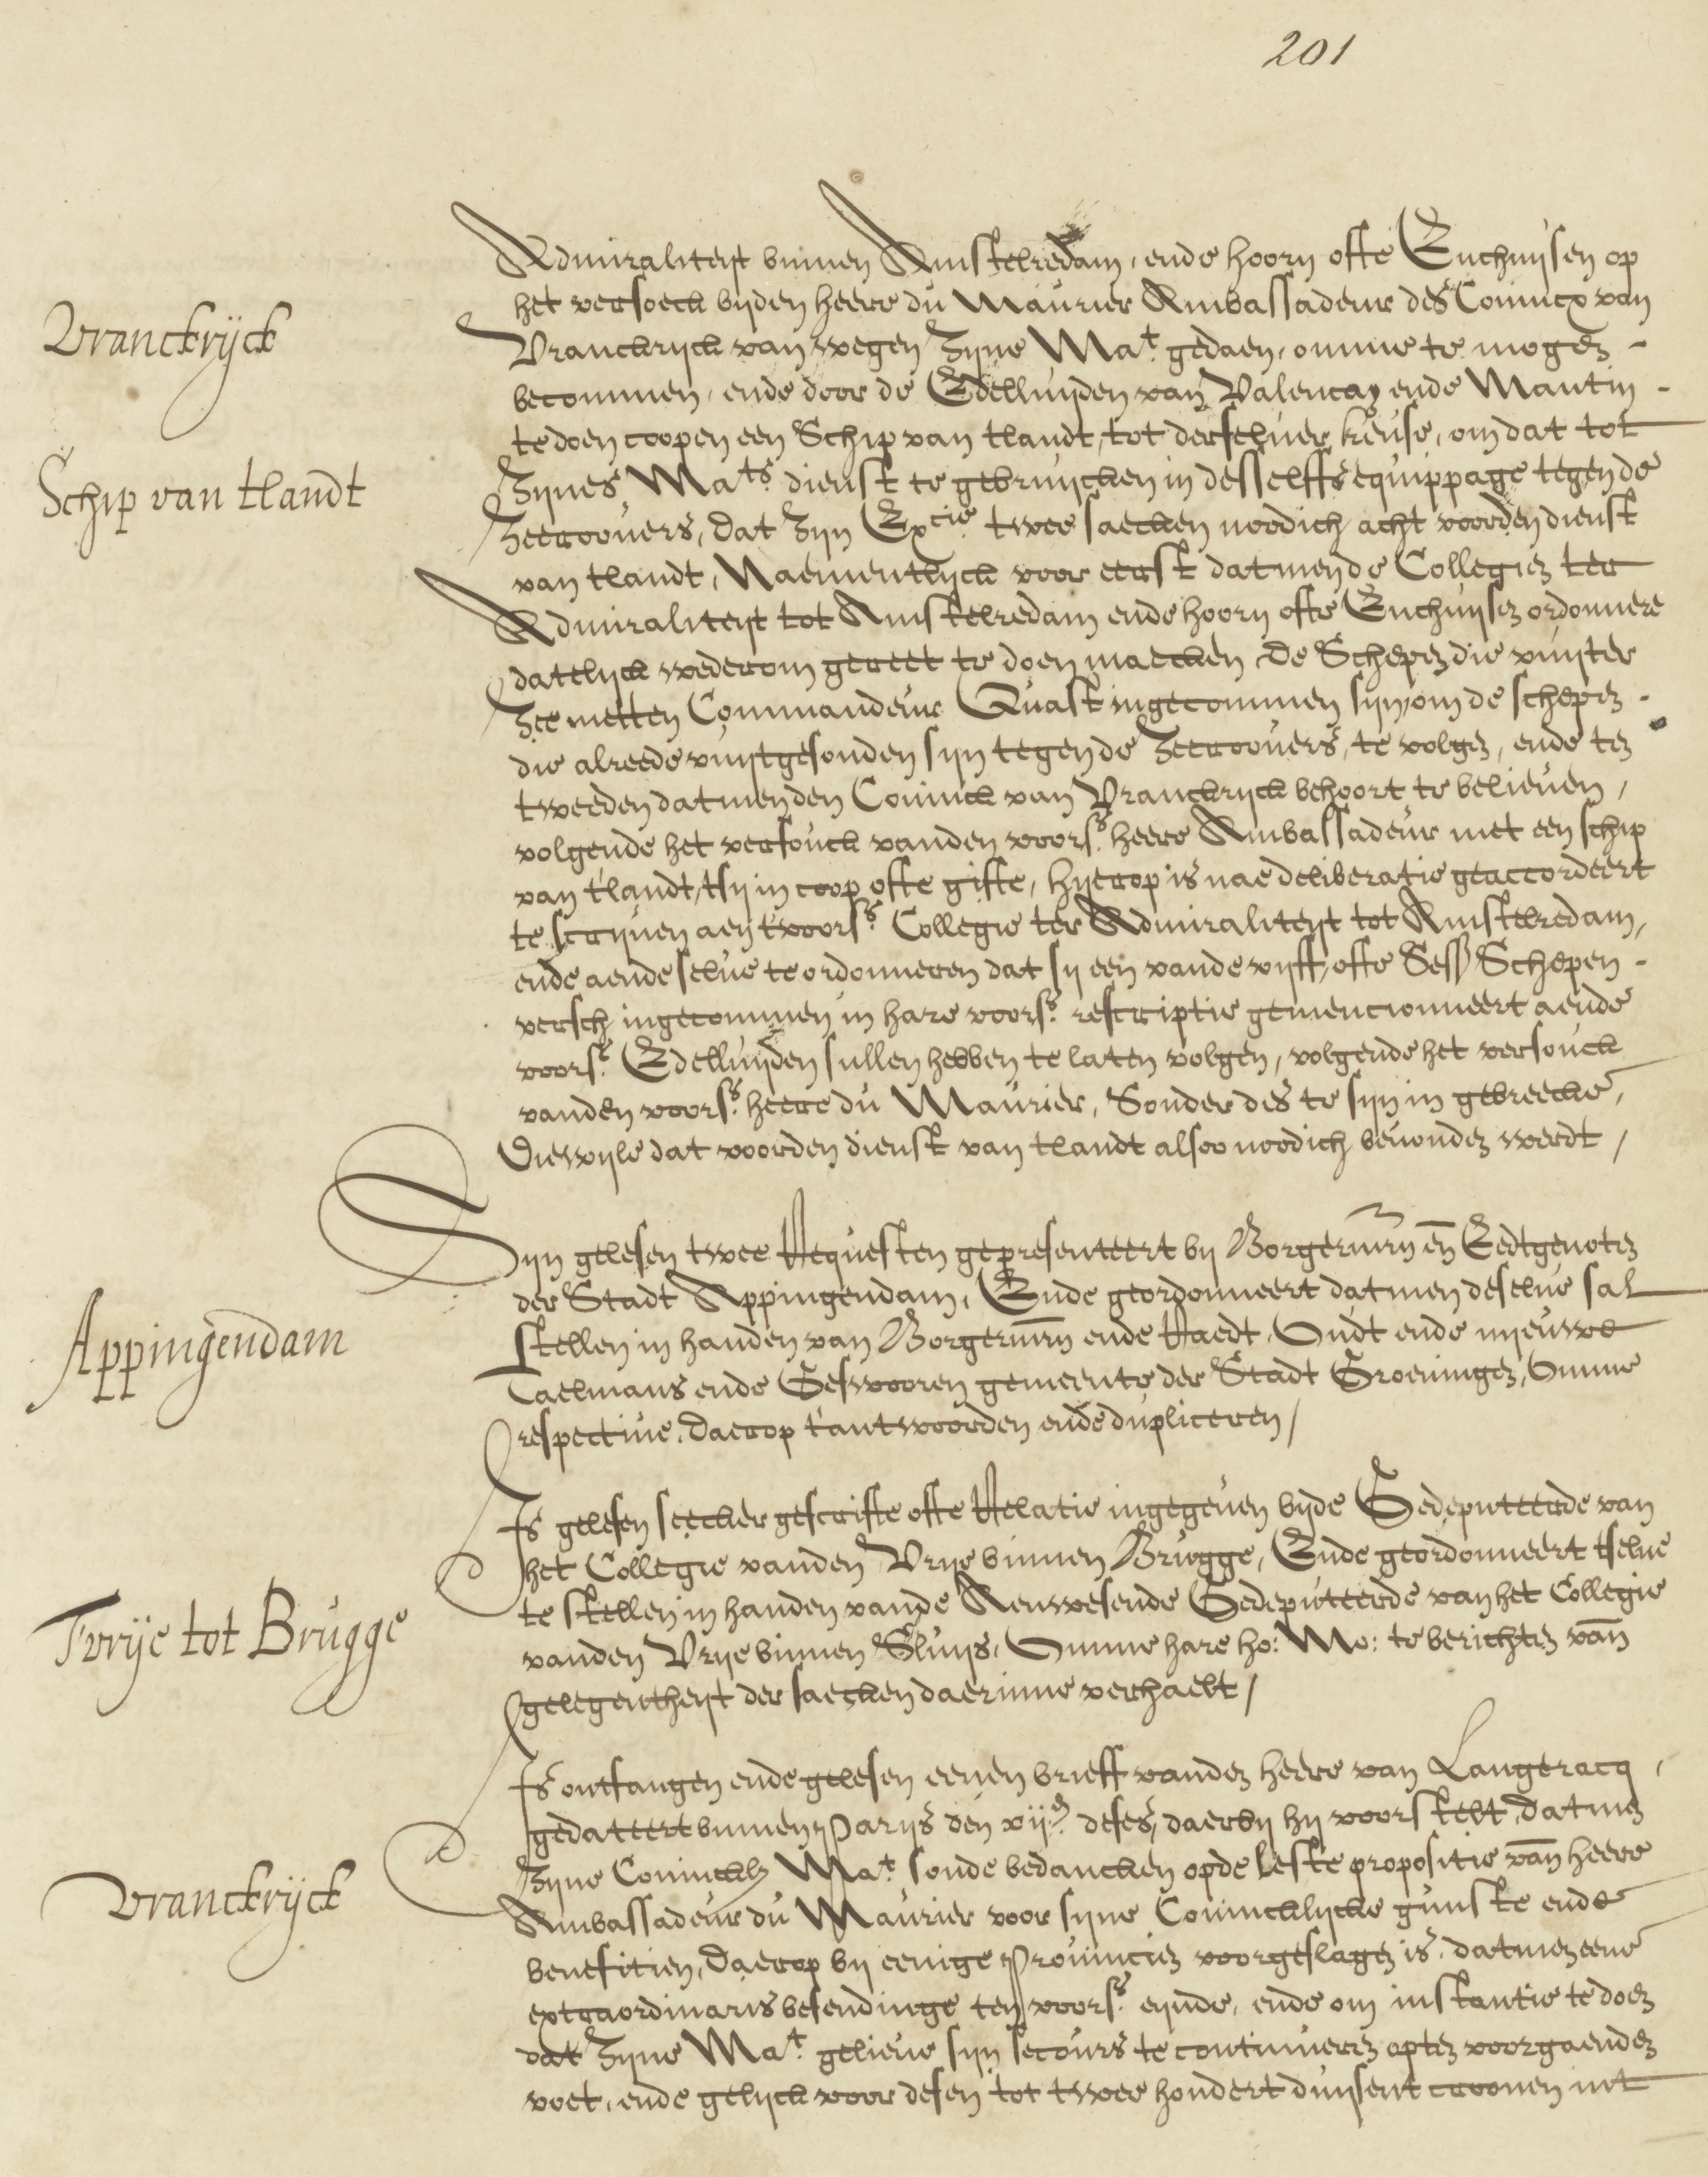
201
Vranckrijck
Schip van tlandt
Admiraliteyt binnen Amstelredam, ende hoorn ofte Enchuysen op
het versoeck byden heere du Maurier Ambassadeur des Conincx van
Vranckryck van wegen zyne Mat. gedaen, omme te mogen -
becommen, ende door de Edelluyden van Valencay ende Mantin
te doen coopen een Schip van tlandt, tot derseluer keuse, om dat tot
Zynes Mats. dienst te gebruycken in desselffs equippage tegen de
Zeeroouers, dat Zijn Excie. twee saecken noodich acht voorden dienst
van tlandt, Naementlyck voor eerst dat men de Collegien ter
Admiraliteyt tot Amstelredam ende hoorn ofte Enchuysen ordonnere
datelyck wederom gereet te doen maecken de Schepen die vuyter
Zee metten Commandeur Quast ingecommen syn, om de schepen
die alreede vuytgesonden syn tegen de Zeeroouers, te volgen, ende ten
tweeden dat men den Coninck van Vranckryck behoort te belieuen,
volgende het versouck vanden voors. heere Ambassadeur met een schip
van t‛landt, tsy in coop ofte gifte, hyerop is nae deliberatie geaccordeert
te scryuen aen t‛voors. Collegie ter Admiraliteyt tot Amstelredam,
ende aende selue te ordonneren dat sy een vande vyff, ofte Sess Schepen,
versch ingecommen in hare voors. rescriptie gemencionneert aende
voors. Edelluyden sullen hebben te laten volgen, volgende het versouck
vanden voors. heere du Maurier, Sonder des te syn in gebreecke,
Diewyle dat voorden dienst van tlandt alsoo noodich, beuonden werdt.
Appingendam
Syn gelesen twee Requesten gepresenteert by Borgermrn en Eedtgenoten
der Stadt Appingendam, Ende geordonneert dat men deselue sal
stellen in handen van Borgermrn ende Raedt, Oudt ende nyeuwe
Taelmans ende Geswooren gemeente der Stadt Groeningen, omme
respectiue, daerop t'antwoorden ende dupliceren.
T‛vrije tot Brugge
Is gelesen seecker gescrifte ofte Relatie ingegeuen byde Gedeputeerde van
het Collegie vanden Vrye binnen Brugge. Ende geordonneert tselue
te stellen in handen vande Aenwesende Gedeputeerde van het Collegie
vanden Vrye binnen Sluys, Omme hare ho:Mo: te berichten van
gelegentheyt der saecken daerinne verhaelt.
vranckrijck
Is ontfangen ende gelesen eenen brieff vanden heere van Langeracq,
gedateert binnen Parys den vijen. deses, daerby hy voorstelt datmen
Zyne Coninckl Mat. soude bedancken opde leste propositie van heere
Ambassadeur du Maurier voor syne Conincklycke gunste ende
benefitien, daerop by eenige Prouincien voorgeslagen is, datmen eene
extraordinaris besendinge ten voors. eynde, ende om instantie te doen
dat Zyne Mat. gelieue syn secours te continueren opten voorgaenden
voet, ende gelyck voor desen tot twee hondert duysent croonen int
